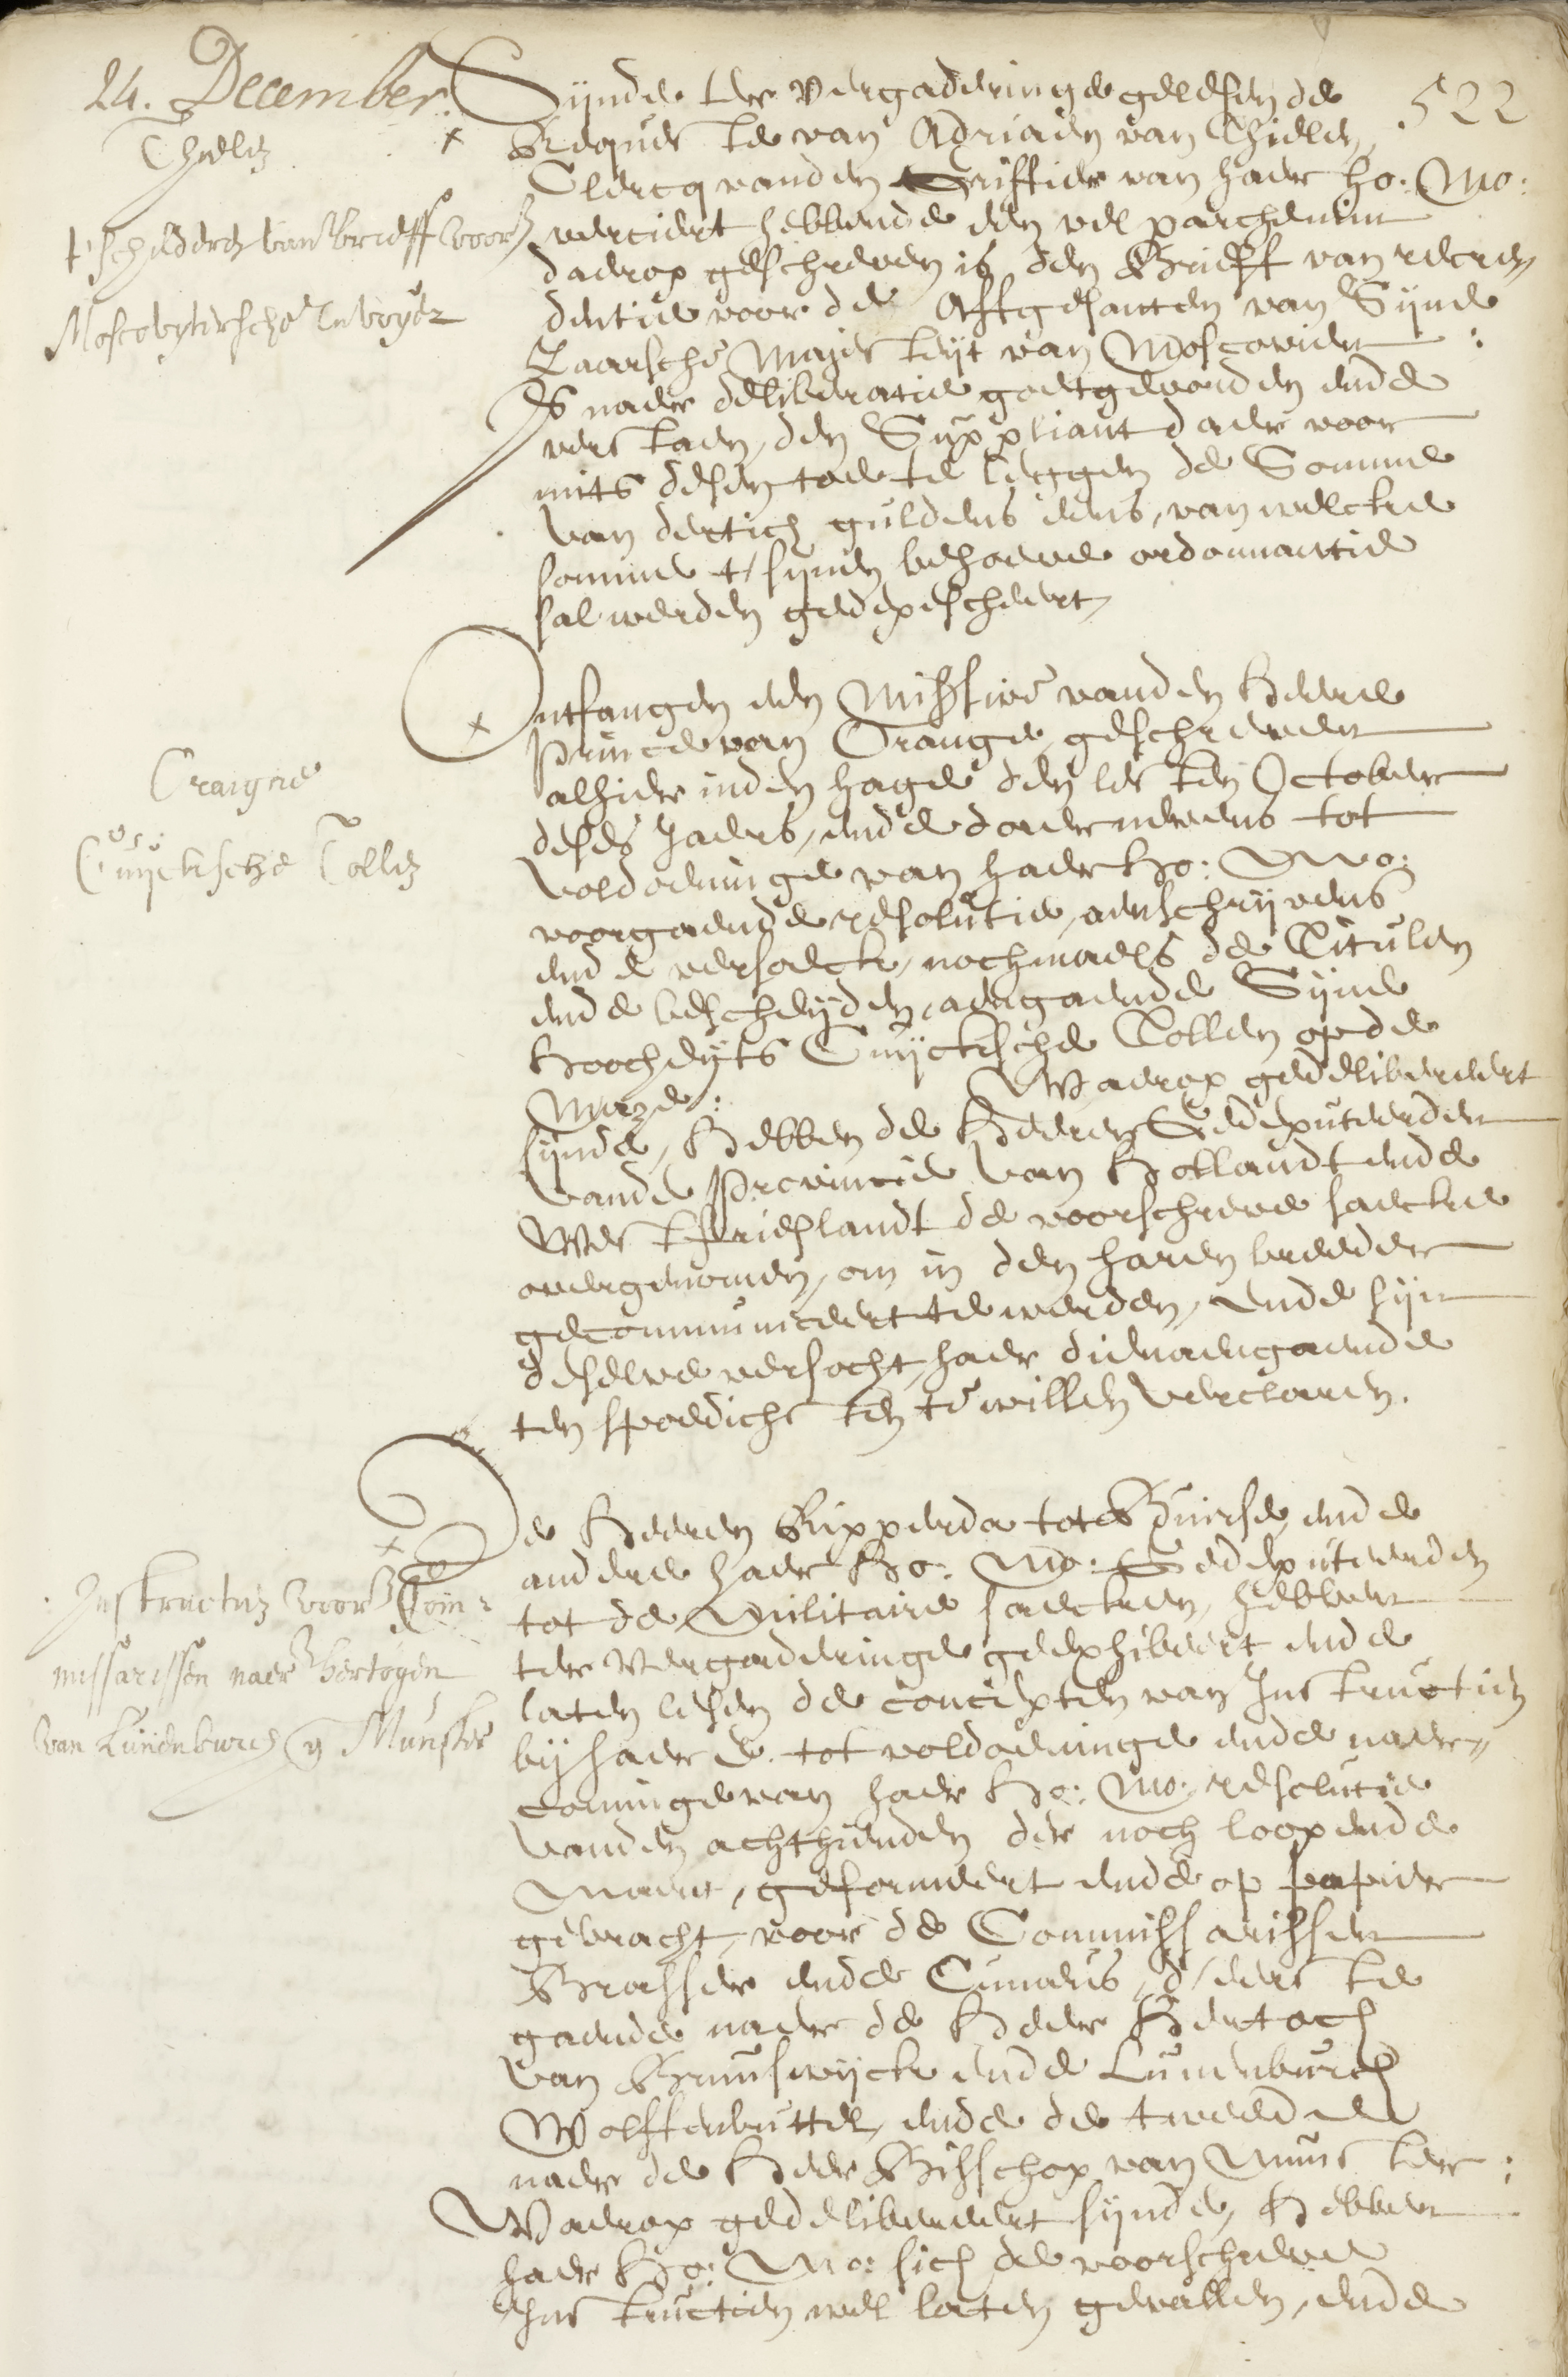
522
24. December.
Thielen
t' schilderen van brieff voors
Moscovytersche Envoijez
Sijnde ter Vergaderinge gelesen de
Requeste van Adriaen van Thielen,
Clercq vanden Griffier van haer Ho:Mo:
verciert hebbende een vel parchemin
daerop geschreven is, den Brieff van recre„
dentie voor de Affgesanten van Sijne
Zaarsche Majesteijt van Moscovien:
Is naer deliberatie goetgevonden ende
verstaen, den Suppliant daer voor
mits desen toe te leggen de Somme
van dertich guldens eens, van welcke
somme t' sijnen behoeve ordonnantie
sal werden gedepescheert.
Craigne
Cuijcksche Tollen
Ontfangen een Missive vanden Heere
Prince van Orange geschreven
alhier inden hage den lesten October
deses Jaers, ende daernevens tot
voldoeninge van haer Ho:Mo:
voorgaende resolutie, aenschrijvens
ende versoeck, nochmaels de Titulen
ende bescheijden, aengaende Sijne
Hoocheijts Cuijcksche Tollen opde
Maze: Waerop gedelibereert
sijnde, Hebben de Heeren Gedeputeerden
vande Provincie van Hollandt ende
Westfrieslandt de voorschreve saecke
overgenomen, om in den haren breeder
gecommuniceert te werden, ende sijn
deselve versocht haer dienaengaende
ten spoedichsten te willen verclaren.
Instructien voor Com„
missarissen naer hertogen
van Lünenburch & Munster
De Heeren Ripperda tot Buirse, ende
andere haer Ho:Mo: Gedeputeerden
tot de Militaire saecken, hebben
ter Vergaderinge geexhibeert ende
laten lesen de concepten van Instructien
bij haer E. tot voldoeninge ende naer„
cominge van haer Ho:Mo: resolutie
vanden achthienden der noch loopende
maent, geformeert ende op papier
gebracht, voor de Commissarissen
Brasser ende Cumeus, d‛eerste
gaende naer de Heer Hertoch
van Brunswijck ende Lunenburch
Wolffenbuttel, ende de tweede
naer de Heer Bisschop van Munster;
Waerop gedelibereert sijnde, hebben
haer Ho:Mo: sich de voorschreve
Instructien wel laten gevallen, ende
